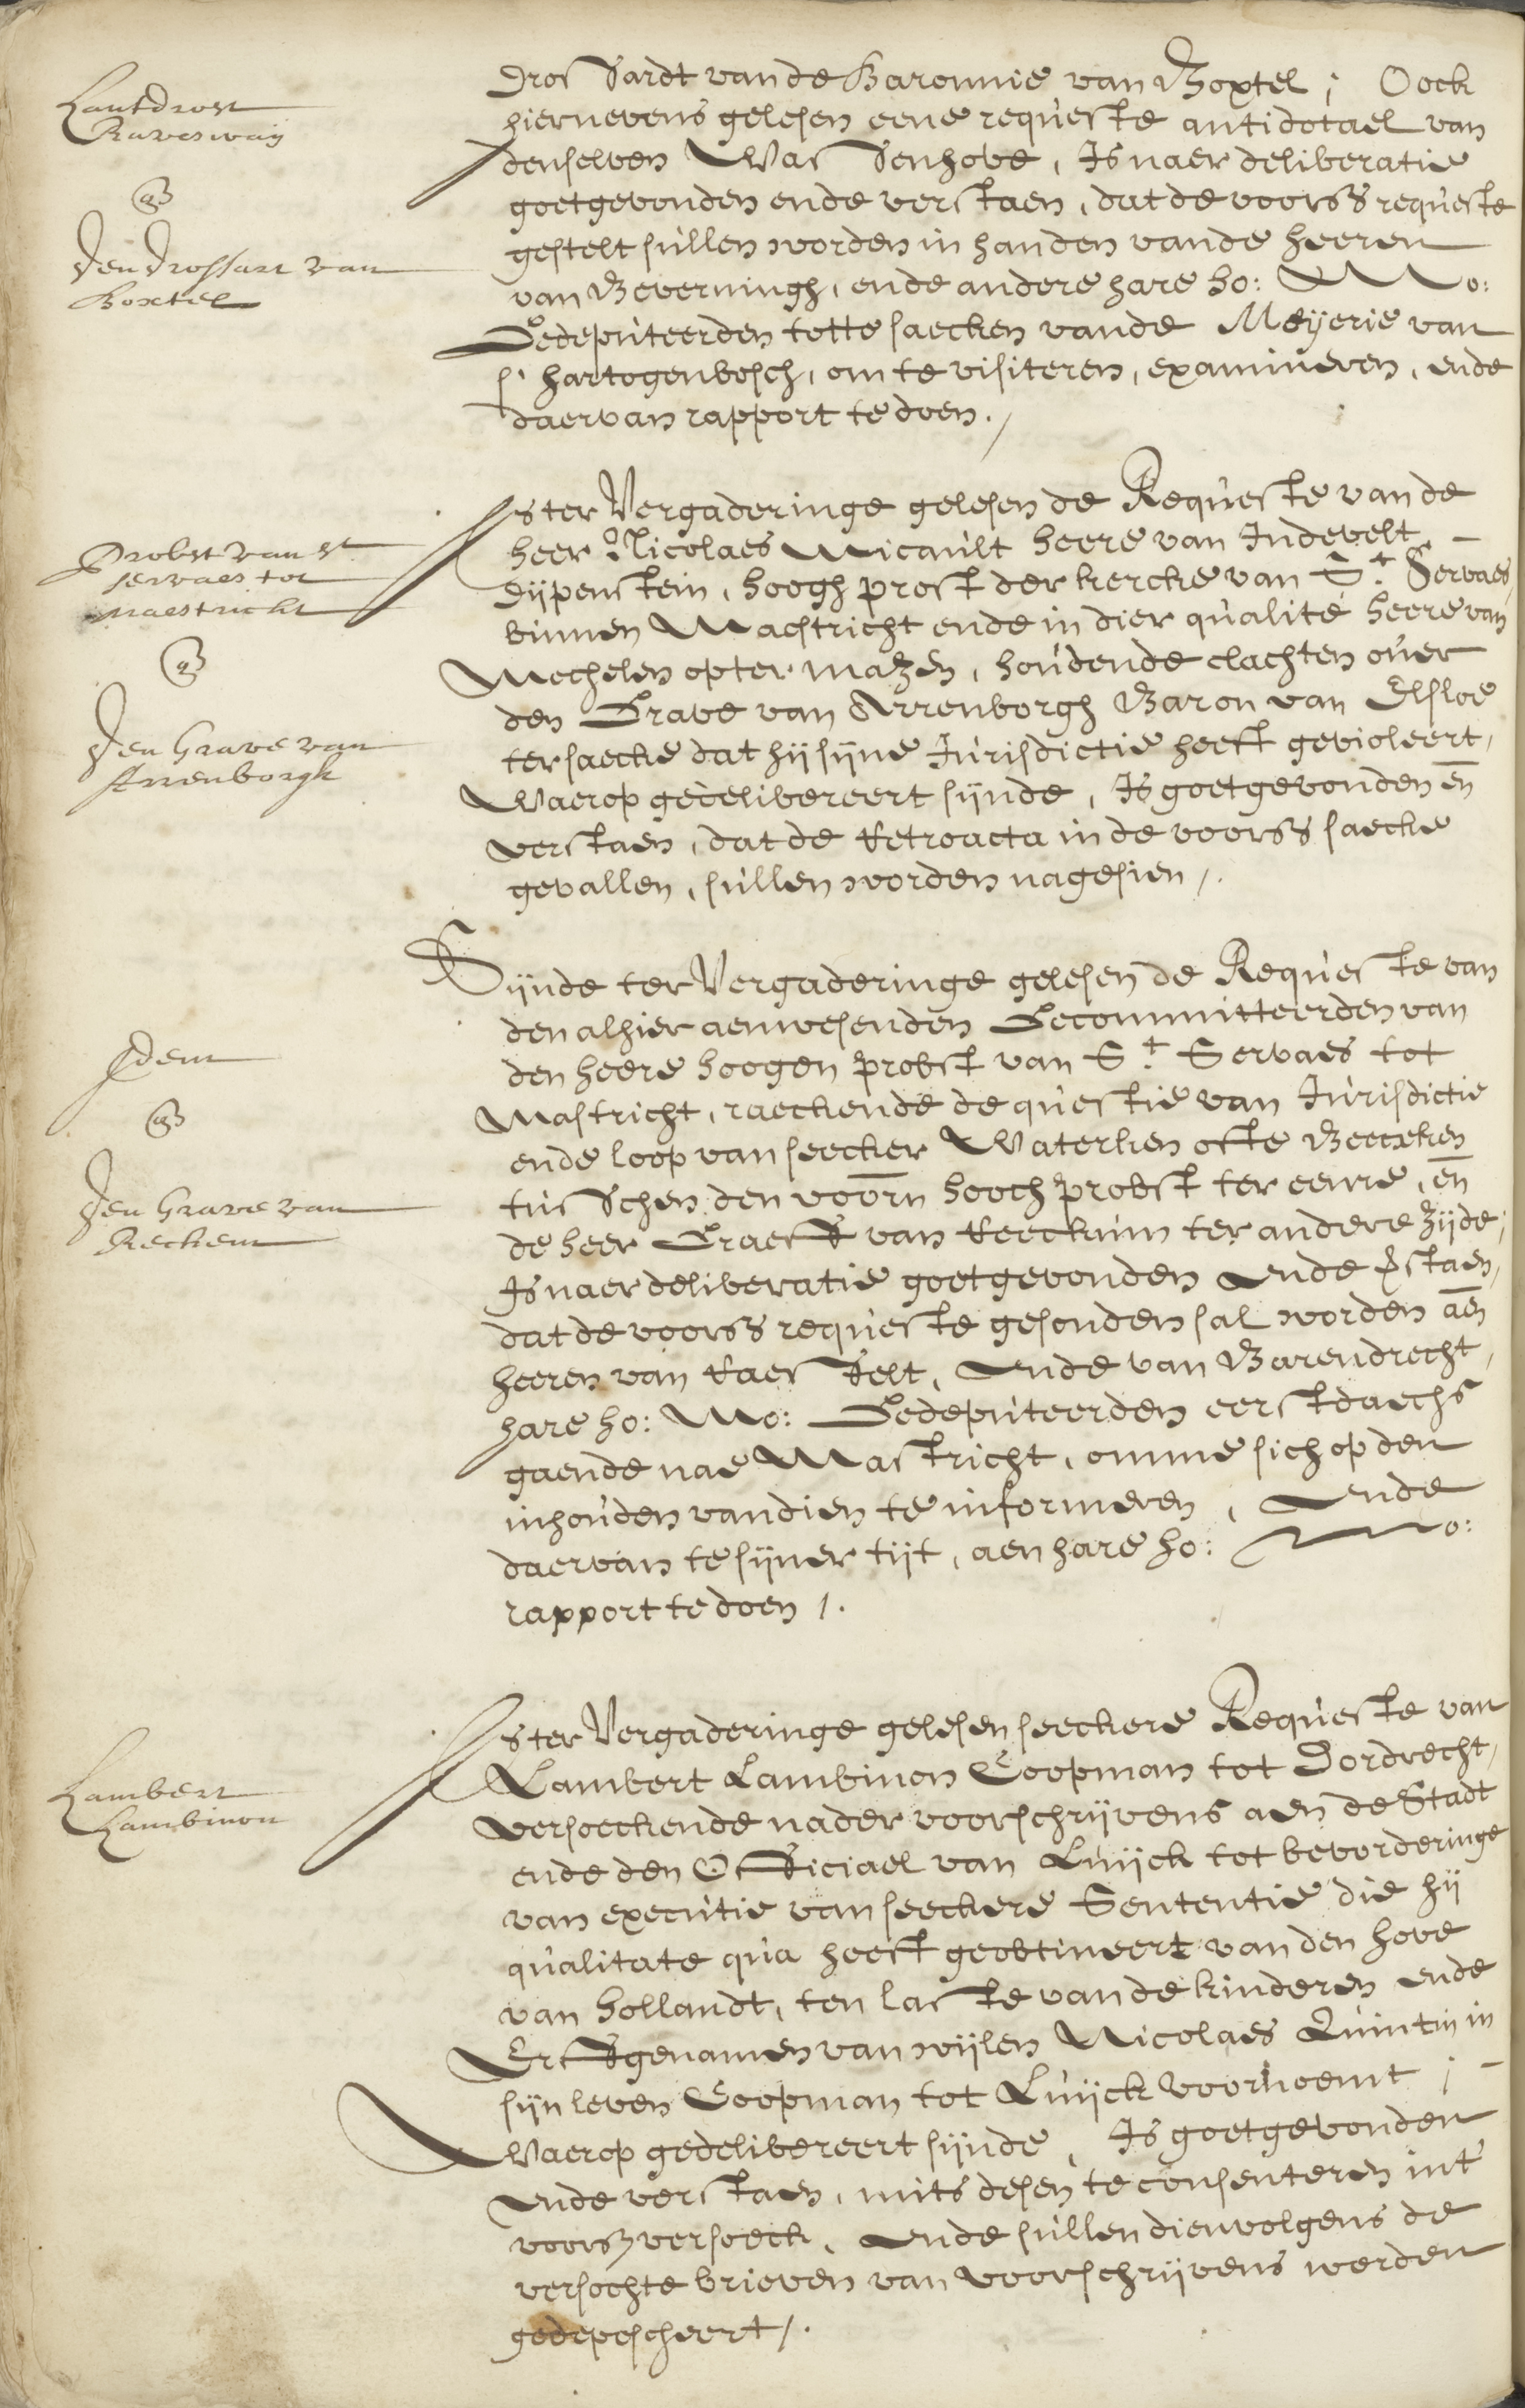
Lantdrost
Raveswaij
Ca.
Den drossart van
Boxtel
Drossardt van de Baronnie van Boxtel; Oock
hiernevens gelesen eene requeste antidotael van
denselven Wassenhove. Is naer deliberatie
goetgevonden ende verstaen, dat de voors requeste
gestelt sullen worden in handen vande heeren
van Beverningh, ende andere hare ho:Mo:
Gedeputeerden totte saecken vande Meijerie van
s'hartogenbosch, om te visiteren, examineren, ende
daervan rapport te doen.
Probst van St.
servaes tot
Maestricht
&
Den Grave van
Arrenborgh
Is ter Vergaderinge gelesen de Requeste van de
heer Nicolaes Micault heere van Indevelt
Dijpenstein, hoogh prost der kercke van St. Servaes
binnen Maestricht ende in dier qualite heere van
Mechelen opter Mazen, houdende clachten over
den Grave van Arrenborgh Baron van Elsloe
ter saecke dat hij sijne Jurisdictie heeft gevioleert.
Waerop gedelibereert sijnde, Is goetgevonden en
verstaen, dat de Retroacta in de voors saecke
gevallen, sullen worden nagesien.
Idem
&
Den Grave van
Reckem
Sijnde ter Vergaderinge gelesen de Requeste van
den alhier aenwesenden Gecommitteerden van
den heere hoogen probst van St. Servaes tot
Mastricht, raeckende de questie van Jurisdictie
ende loop van seecker Waterlien ofte Beecxken
tusschen den voorn hooch probst ter eenre, en
de heer Graeff van Reeckum ter andere zijde;
Is naer deliberatie goetgevonden ende vstaen,
dat de voors requeste gesonden sal worden aen
heeren van Raesfelt, ende van Barendrecht
hare ho:Mo: Gedeputeerden eerstdaechs
gaende nae Mastricht, omme sich op den
inhouden vandien te informeren, ende
daervan te sijner tijt, aen hare ho:Mo:
rapport te doen.
Lambert
Lambinon
Is ter Vergaderinge gelesen seeckere Requeste van
Lambert Lambinon Coopman tot Dordrecht,
versoeckende nader voorschrijvens aen de Stadt
ende den Officiael van Luijck tot bevorderinge
van executie van seeckere Sententie die hij
qualitate qua heeft geobtineert van den hove
van Hollandt, ten laste van de kinderen ende
Erffgenamen van wijlen Nicolaes Quintin in
sijn leven Coopman tot Luijck voornoemt;
Waerop gedelibereert sijnde, Is goetgevonden
ende verstaen, mits desen te consenteren int'
voors versoeck, ende sullen dienvolgens de
versochte brieven van voorschrijvens werden
gedepescheert.
